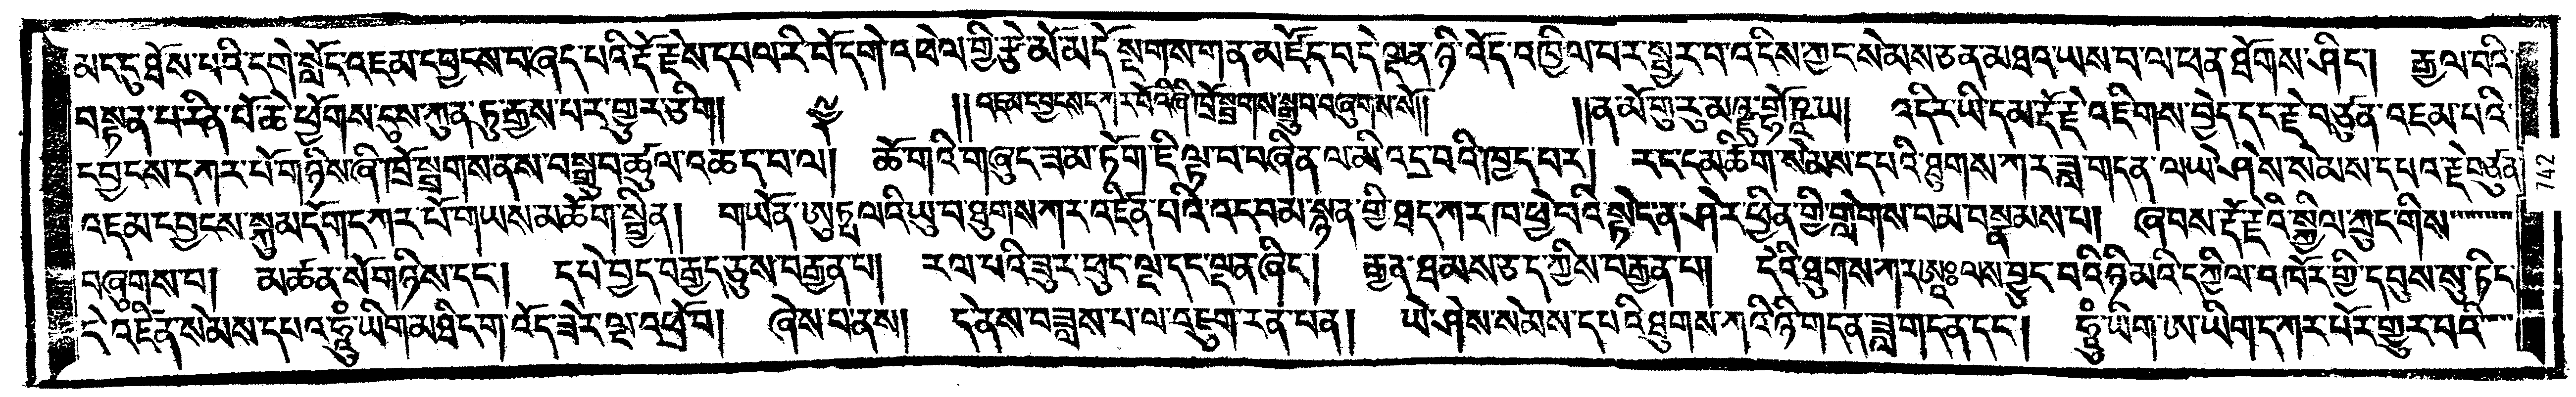མང་དུ་ཐོས་པའི་དགེ་སློང་འཇམ་དབྱངས་བཞད་པའི་རྡོ་རྗེས་དཔལ་རི་བོ་དགེ་འཕེལ་གྱི་རྩེ་མོ་མདོ་སྔགས་གན་མཛོད་བདེ་ལྡན་ཉི་འོད་འཁྱིལ་བར་སྦྱར་བ་འདིས་ཀྱང་སེམས་ཅན་མཐའ་ཡས་བ་ལ་ཕན་ཐོགས་ཤིང་། རྒྱལ་བའི་
བསྟན་པ་རིན་པོ་ཆེ་ཕྱོགས་དུས་ཀུན་ཏུ་རྒྱས་པར་གྱུར་ཅིག། ༈ །།འཇམ་དབྱངས་དཀར་པོའི་ཞི་ཁྲོ་སྦྲགས་སྒྲུབ་བཞུགས་སོ།།  །།ན་མོ་གུ་རུ་མཉྫུ་གྷོ་ཥཱ་ཡ། འདིར་ཡི་དམ་རྡོ་རྗེ་འཇིགས་བྱེད་དང་རྗེ་བཙུན་འཇམ་པའི་
དབྱངས་དཀར་པོ་གཉིས་ཞི་ཁྲོ་སྦྲགས་ནས་བསྒྲུབ་ཚུལ་འཆད་པ་ལ། ཆོ་གའི་གཞུང་ཟ་མ་ཏོག་ཇི་ལྟ་བ་བཞིན་ལ་མི་འདྲ་བའི་ཁྱད་པར། རང་དམ་ཚིག་སེམས་དཔའི་ཐུགས་ཀར་ཟླ་གདན་ལ་ཡེ་ཤེས་སེམས་དཔའ་རྗེ་བཙུན་
འཇམ་དབྱངས་སྐུ་མདོག་དཀར་པོ་གཡས་མཆོག་སྦྱིན། གཡོན་ཨུཏྤ་ལའི་ཡུ་བ་ཐུགས་ཀར་འཛིན་པའི་འདབ་མ་སྙན་གྱི་ཐད་ཀར་ཁ་ཕྱེ་བའི་སྟེང་ན་ཤེར་ཕྱིན་གྱི་གླེགས་བམ་བསྣམས་པ། ཞབས་རྡོ་རྗེའི་སྐྱིལ་ཀྲུང་གིས་
བཞུགས་པ། མཚན་སོ་གཉིས་དང་། དཔེ་བྱད་བརྒྱད་ཅུས་བརྒྱན་པ། རལ་པའི་ཟུར་ཕུང་ལྔ་དང་ལྡན་ཞིང་། རྒྱན་ཐམས་ཅད་ཀྱིས་བརྒྱན་པ། དེའི་ཐུགས་ཀར་ཨཱཿལས་བྱུང་བའི་ཉི་མའི་དཀྱིལ་འཁོར་གྱི་དབུས་སུ་ཏིང་
ངེ་འཛིན་སེམས་དཔའ་ཧཱུཾ་ཡིག་མཐིང་ག་འོད་ཟེར་ལྔ་འཕྲོ་བ། ཞེས་པ་ནས། དེ་ནས་བཟླས་པ་ལ་འཇུག་རན་པ་ན། ཡེ་ཤེས་སེམས་དཔའི་ཐུགས་ཀའི་ཉི་གདན་ཟླ་གདན་དང་། ཧཱུཾ་ཡིག་ཨ་ཡིག་དཀར་པོར་གྱུར་པའི་